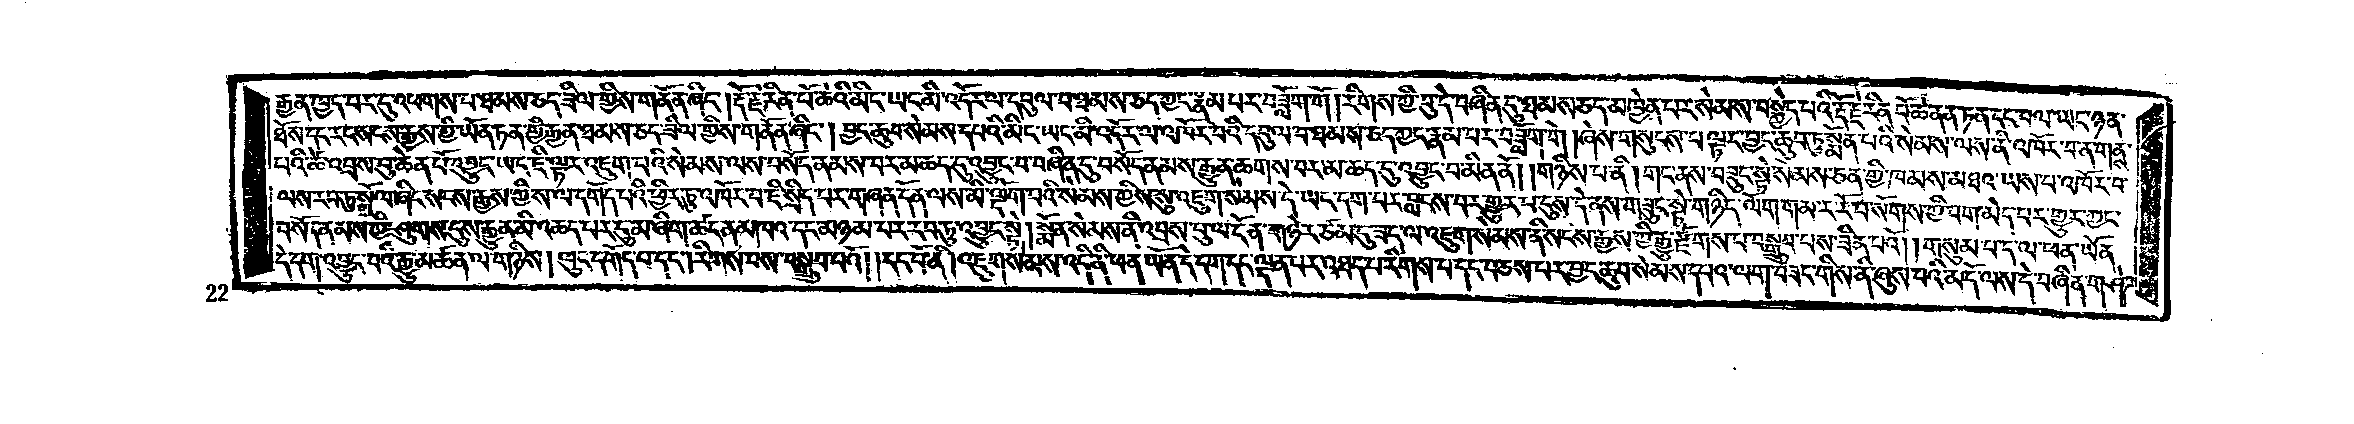རྒྱན་ཁྱད་པར་དུ་འཕགས་པ་ཐམས་ཅད་ཟིལ་གྱིས་གནོན་ཞིང་། རྡོ་རྗེ་རིན་པོ་ཆེའི་མིང་ཡང་མི་འདོར་ལ་དབུལ་བ་ཐམས་ཅད་ཀྱང་རྣམ་པར་བཟློག་གོ །རིགས་ཀྱི་བུ་དེ་བཞིན་དུ་ཐམས་ཅད་མཁྱེན་པར་སེམས་བསྐྱེད་པའི་རྡོ་རྗེ་རིན་པོ་ཆེ་ནན་ཏན་དང་བལ་ཡང་ཉན་
ཐོས་དང་རང་སངས་རྒྱས་ཀྱི་ཡོན་ཏན་གྱི་རྒྱན་ཐམས་ཅད་ཟིལ་གྱིས་གནོན་ཞིང་། བྱང་ཆུབ་སེམས་དཔའི་མིང་ཡང་མི་འདོར་ལ་འཁོར་བའི་དབུལ་བ་ཐམས་ཅད་ཀྱང་རྣམ་པར་བཟློག་གོ །ཞེས་གསུངས་པ་ལྟར་བྱང་ཆུབ་ཏུ་སྨོན་པའི་སེམས་ལས་ནི་འཁོར་བ་ན་གནས་
པའི་ཚེ་འབྲས་བུ་ཆེན་པོ་འབྱུང་ཡང་ཇི་ལྟར་འཇུག་པའི་སེམས་ལས་བསོད་ནམས་བར་མ་ཆད་དུ་འབྱུང་བ་བཞིན་དུ་བསོད་ནམས་རྒྱུན་ཆགས་པར་མ་ཆད་དུ་འབྱུང་བ་མིན་ནོ། །གཉིས་པ་ནི། གང་ནས་བཟུང་སྟེ་སེམས་ཅན་གྱི་ཁམས་མཐའ་ཡས་པ་འཁོར་བ་
ལས་རབ་ཏུ་སྒྲོལ་ཞིང་སངས་རྒྱས་ཀྱི་ས་ལ་དགོད་པའི་ཕྱིར་ཏུ་འཁོར་བ་ཇི་སྲིད་པར་གཞན་དོན་ལས་མི་ལྡོག་པའི་སེམས་ཀྱིས་སུ་འཇུག་སེམས་དེ་ཡང་དག་པར་བླངས་པར་གྱུར་པ་དུས་དེ་ནས་གཟུང་སྟེ་གཉིད་ལོག་གམ་ར་རོ་བ་སོགས་ཀྱི་བག་མེད་པར་གྱུར་ཀྱང་
བསོད་ནམས་ཀྱི་ཤུགས་དུས་རྒྱུན་མི་འཆད་པར་དུ་མ་ཞིག་ཚད་ནམ་མཁའ་དང་མཉམ་པར་རབ་ཏུ་འབྱུང་སྟེ། སྨོན་སེམས་ནི་འབྲས་བུ་ལ་དོན་གཉེར་ཙམ་དུ་ཟད་ལ་འཇུག་སེམས་ནི་སངས་རྒྱས་ཀྱི་རྒྱུ་རྫོགས་པ་བསྒྲུབ་པས་ཟིན་པའོ། །གསུམ་པ་དེ་ལ་ཕན་ཡོན་
དེ་དག་འབྱུང་བའི་རྒྱུ་མཚན་ལ་གཉིས། ལུང་དགོད་པ་དང་། རིགས་པས་བསྒྲུབ་པའོ། །དང་པོ་ནི། འཇུག་སེམས་འདི་ནི་ཕན་ཡོན་དེ་དག་དང་ལྡན་པར་འཐད་པ་རིས་པ་དང་བཅས་པར་བྱང་ཆུབ་སེམས་དཔའ་ལག་བཟང་གིས་ནི་ཞུས་པའི་མདོ་ལས་དེ་བཞིན་གཤེགས་